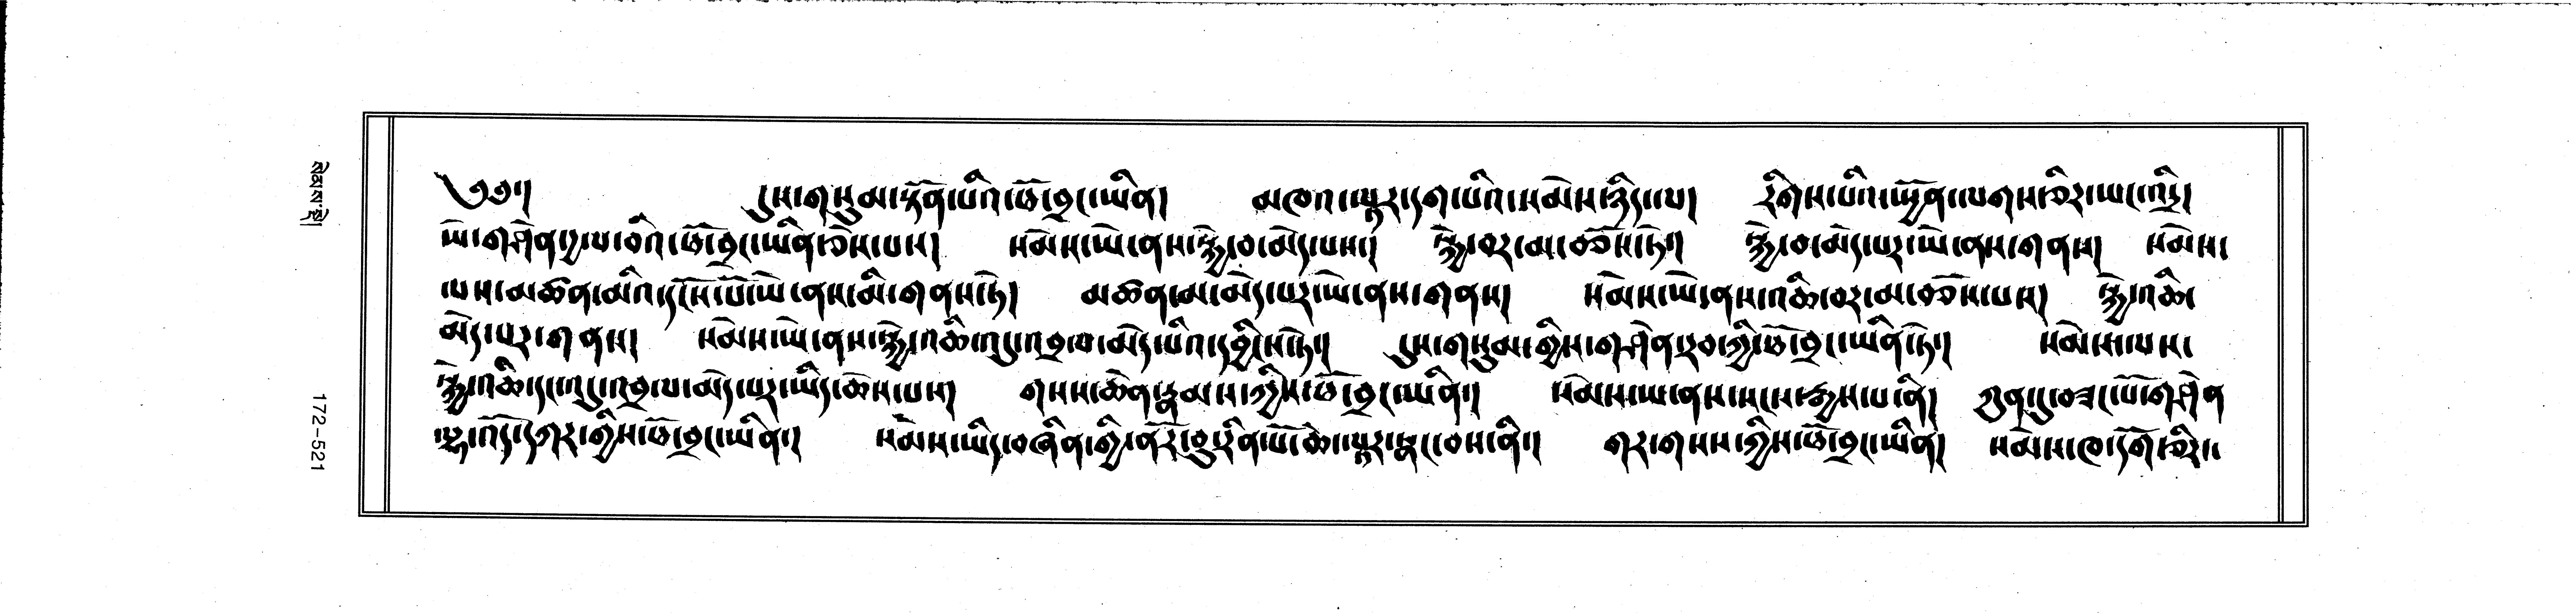དུས་གསུམ་སྟོན་པའི་ཕོ་བྲང་ཡིན། མཁའ་ལྟར་དག་པའི་སེམས་ཉིད་ལ། རིག་པའི་སྤྱོན་ལགས་ཅིར་ཡང་འདྲི། 
ཡེ་གཤེན་རྒྱལ་བའི་ཕོ་བྲང་ཡིན་ཅེས་པས། སེམས་ཡེ་ནས་སྐྱེ་བ་མེད་པས། སྐྱེ་བར་མ་བཅོས་ཏེ། སྐྱེ་བ་མེད་པར་ཡེ་ནས་གནས། སེམས་
ལས་མཚན་མའི་དངོས་པོ་ཡེ་ནས་མི་གནས་ཏེ། མཚན་མ་མེད་པར་ཡེ་ནས་གནས། སེམས་ཡེ་ནས་འཆི་བར་མ་བཅོས་པས། སྐྱེ་འཆི་
མེད་པར་གནས། སེམས་ཡེ་ནས་སྐྱེ་འཆི་འདུ་འབྲལ་མེད་པའི་དབྱིངས་ཏེ། དུས་གསུམ་གྱིས་གཤེན་རབ་ཀྱི་ཕོ་བྲང་ཡིན་ཏེ། སེམས་ལས་
སྐྱེ་འཆི་དང་འདུ་འབྲལ་མེད་པར་ཡིད་ཆེས་པས། གསས་ཆེན་རྣམས་ཀྱིས་ཕོ་བྲང་ཡིན། སེམས་ཡེ་ནས་སངས་རྒྱས་པ་ནི། ཀུན་ཏུ་བཟང་པོ་གཤེན་
ལྷ་འོད་དཀར་གྱིས་ཕོ་བྲང་ཡིན། སེམས་ཡིད་བཞིན་གྱི་ནོར་བུ་རིན་པོ་ཆེ་ལྟར་སྣང་བས་ནི། གར་གསས་ཀྱིས་ཕོ་བྲང་ཡིན། སེམས་ཁ་དོག་ཅིར་